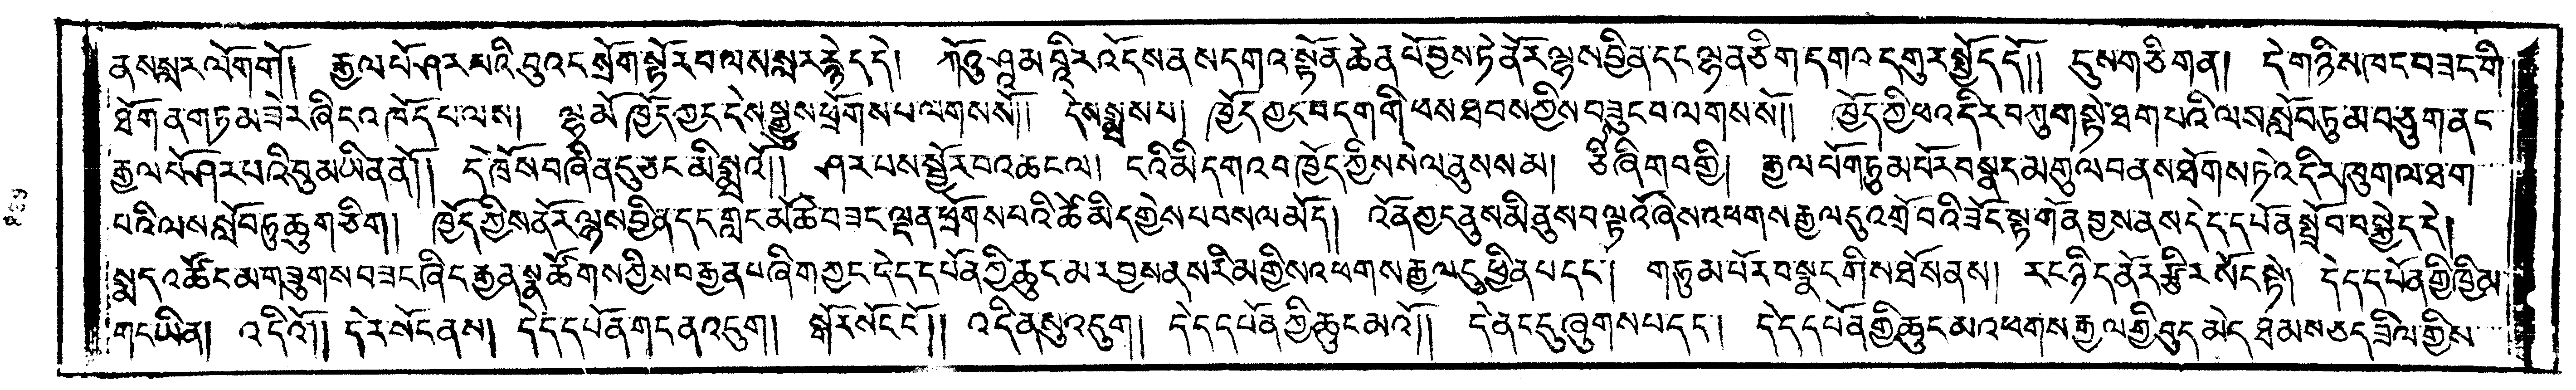ནས་སླར་ལོག་གོ། རྒྱལ་པོ་ཤར་པའི་བུའང་སྲོག་སྟོར་བ་ལས་སླར་རྙེད་དེ། ཀོའུ་ཤཱམྦཱིར་འོངས་ནས་དགའ་སྟོན་ཆེན་པོ་བྱས་ཏེ་ནོར་ལྷས་བྱིན་དང་ལྷན་ཅིག་དགའ་དགུར་སྤྱོད་དོ།། དུས་གཅིག་ན། དེ་གཉིས་ཁང་བཟང་གི་
ཐོག་ན་གཏམ་ཟེར་ཞིང་འཁོད་པ་ལས། ལྷ་མོ་ཁྱོད་ཀྱང་དེས་སྒྱུས་ཕྲོགས་པ་ལགས་སོ།། དེས་སྨྲས་པ། ཁྱོད་ཀྱང་བདག་གི་ཕས་ཐབས་ཀྱིས་བཟུང་བ་ལགས་སོ།། ཁྱོད་ཀྱི་ཕ་འདིར་བཀུག་སྟེ་ཐག་པའི་ལས་སློབ་ཏུ་མ་བ་ཅུག་ནང་
རྒྱལ་པོ་ཤར་པའི་བུ་མ་ཡིན་ནོ།། དེ་ཁྲོས་བཞིན་དུ་ཅང་མི་སྨྲའོ།། ཤར་པས་སྦྱོར་བ་འཆང་ལ། ངའི་མི་དགའ་བ་ཁྱོད་ཀྱིས་སེལ་ནུས་སམ། ཅི་ཞིག་བགྱི། རྒྱལ་པོ་གཏུམ་པོར་བ་སྣང་མགུལ་བ་ནས་ཐོགས་ཏེ་འདིར་ཁུག་ལ་ཐ་ག་
པའི་ལས་སློབ་ཏུ་ཆུ་གཅིག། ཁྱོད་ཀྱིས་ནོར་ལྷས་བྱིན་དང་གླང་མོ་ཆེ་བཟང་ལྡན་ཕྲོགས་པའི་ཚེ་མི་དགྱེས་པ་བསལ་མོད། འོན་ཀྱང་ནུས་མི་ནུས་བལྟའོ་ཞེས་འཕགས་རྒྱལ་དུ་འགྲོ་བའི་ཟོང་སྟ་གོན་བྱས་ནས་དེད་དཔོན་སྤྲོ་བ་བསྐྱེད་དེ།
སྨད་འཚོང་མ་གཟུགས་བཟང་ཞིང་རྒྱན་སྣ་ཚོགས་ཀྱིས་བརྒྱན་པ་ཞིག་ཀྱང་དེད་དཔོན་ཀྱི་ཆུང་མར་བྱས་ནས་རིམ་གྱིས་འཕགས་རྒྱལ་དུ་ཕྱིན་པ་དང་། གཏུམ་པོར་བ་སྣང་གིས་ཐོས་ནས། རང་ཉིད་ནོར་རྩིར་སོང་སྟེ། དེད་དཔོན་གྱི་ཁྱིམ་
གང་ཡིན། འདིའོ།། དེར་སོང་ནས། དེད་དཔོན་གང་ན་འདུག། སྒོར་སོང་ངོ།། འདི་ན་སུ་འདུག། དེད་དཔོན་གྱི་ཆུང་མའོ།། དེ་ནང་དུ་ཞུགས་པ་དང་། དེད་དཔོན་གྱི་ཆུང་མ་འཕགས་རྒྱལ་གྱི་བུད་མེད་ཐམས་ཅད་ཟིལ་གྱིས་